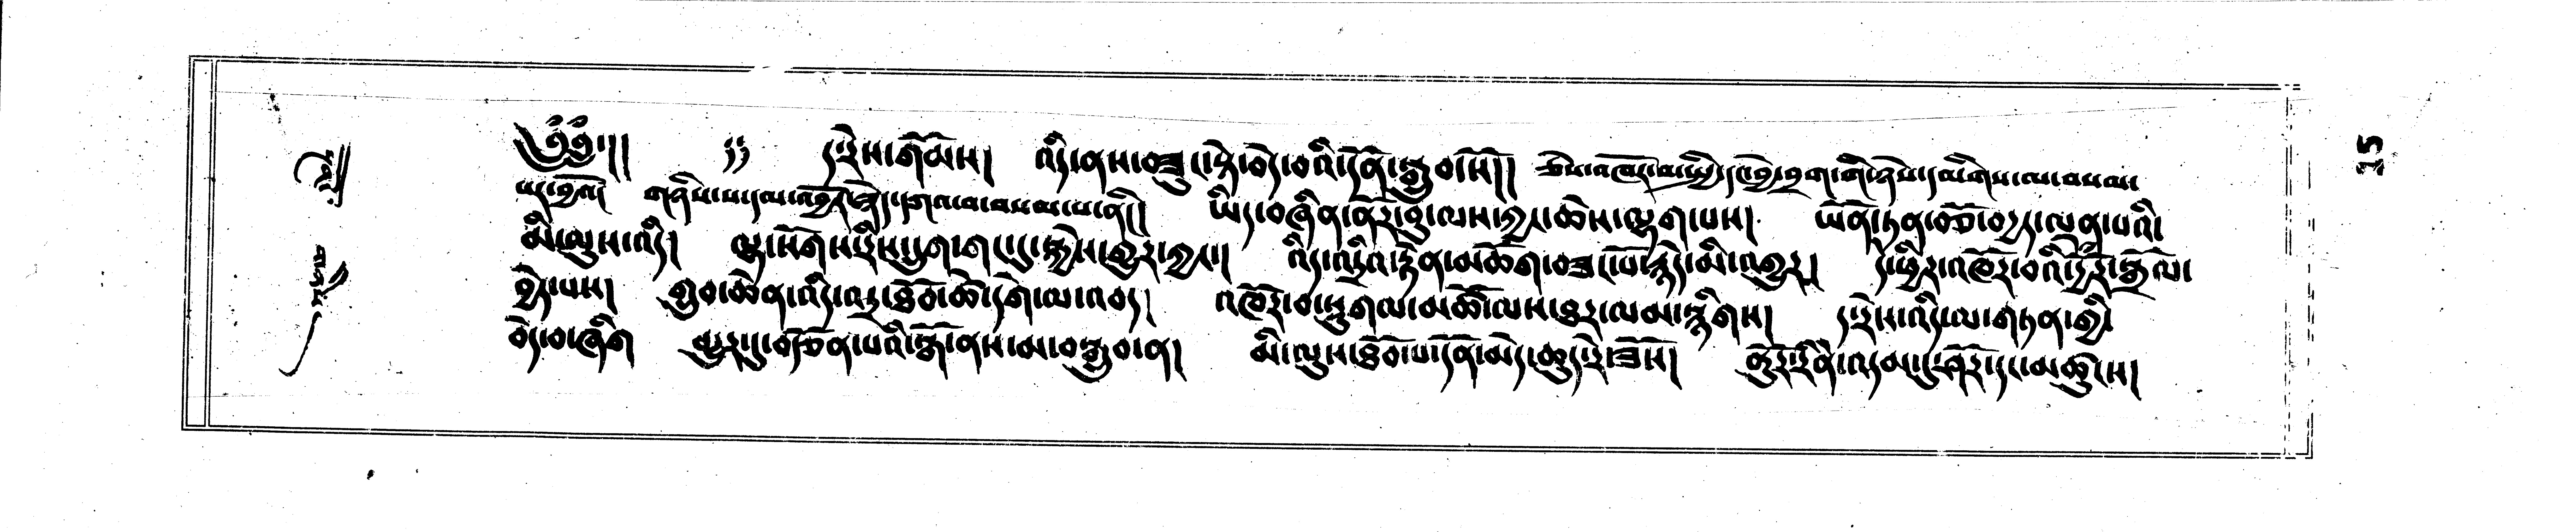ད་རེས་གོམས་༼སོམས༽། །འདི་ནས་བཟུང་སྟེ་བདེ་བའི་དོན་སྒྲུབས་སོ། །ཅེས་འཁོར་བ་སྤྱི་དང་བྱེ་བྲག་གི་ཉེས་དམིགས་ལ་བསམ་པར་
བྱའོ། །གཉིས་པ་དལ་འབྱོར་རྙེད་དཀའ་བ་བསམ་པ་ནི། ཡིད་བཞིན་ནོར་བུ་ལས་ཀྱང་ཆེས་ལྷག་པའི། །ཡོན་ཏན་བཅོ་བརྒྱད་ལྡན་པའི་
མི་ལུས་འདི། །ལྷ་སོགས་རིགས་དྲུག་གང་དུ་སྐྱེས་གྱུར་ཀྱང་། །འདི་འདྲའི་རྟེན་མཆོག་བཟང་པོ་རྙེད་མི་འགྱུར། །དེ་ཕྱིར་འཁོར་བའི་རྒྱ་མཚོར་སྒྲོལ་
བྱེད་པའི། །གྲུ་ཆེན་འདི་འདྲ་ཐོབ་ཚེ་དགེ་ལ་འབད། །འཁོར་བ་སྡུག་བསྔལ་མཚོ་ལས་ཐར་ལམ་བསྙེགས། །ད་རེས་འདི་ལ་གཏན་གྱི་
བདེ་བ་ཞིག །མྱུར་དུ་བརྩོན་པའི་སྒོ་ནས་མ་བསྒྲུབ་ན། །མི་ལུས་ཐོབ་པ་དོན་མེད་ཆུད་རེ་ཟོས། །ནོར་བུ་རིན་ཆེན་འདམ་དུ་ཤོར་དང་མཚུངས། །